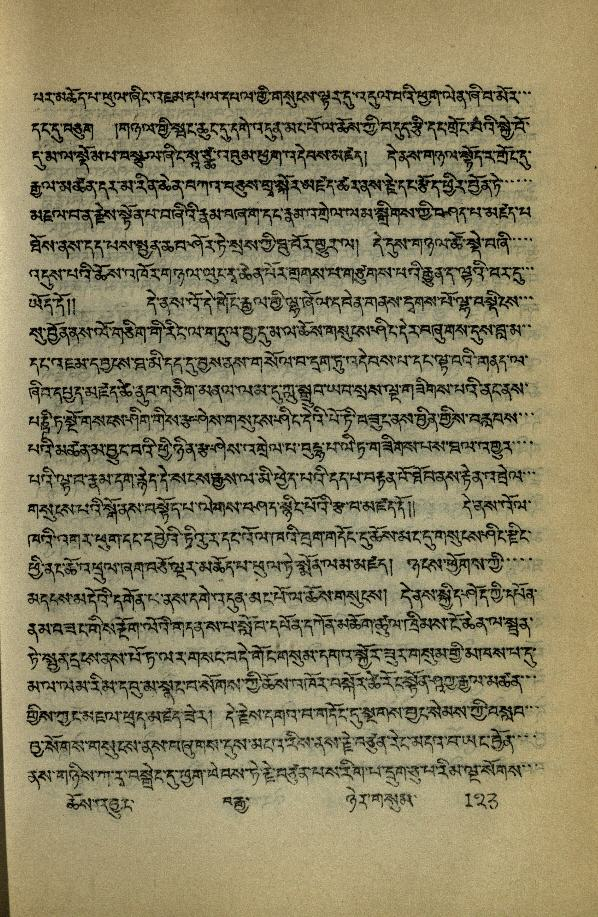པར་མཆོད་པ་ཕུལ་ཞིང་འཇམ་དཔལ་དཔལ་གྱི་གསུངས་ལྟར་དུ་འདུལ་བའི་ཕྱག་ལེན་ཞི་བ་མོར་
དང་དུ་བཅུག །གཉལ་གྱི་བསང་ཆུང་དུ་དགེ་འདུན་མང་པོ་ལ་ཆོས་ཀྱི་བདུད་རྩི་དང་གྲོང་བའི་སྐྱེ་བོ་
དུ་མ་ལ་སྡོམ་པ་བསྩལ་ཞིང་སཱ་ཙྪ་འབུམ་ཕྱག་འདེབས་མཛད། དེ་ནས་གཉལ་སྟོད་ར་གྲོང་དུ་
རྒྱལ་མཚན་དར་མ་རིན་ཆེན་བཀའ་བཅུས་གྲྭ་སྐོར་མཛད་ཚར་ནས་རྗེ་དང་རྩོད་ཕྱིར་བྱོན་ཏེ་
མཇལ་བ་ན་རྗེས་སྟོན་པ་བཞིའི་རྣམ་བཞག་དང་རྣམ་འགྲེལ་ལམ་སྒྲིགས་ཀྱི་བཤད་པ་མཛད་པ་
ཐོས་ནས་དད་པས་སྤྱན་ཆབ་ཤོར་ཏེ་སྲས་ཀྱི་ཐུ་བོར་གྱུར་ལ། དེ་དུས་གཉལ་ཚོ་སྡེ་བཞི་
འདུས་པའི་ཆོས་འཁོར་གཉལ་ལུང་རྭ་ཆེན་པོར་གྲགས་པ་གཙུགས་པའི་རྒྱུན་ད་ལྟའི་བར་དུ་
ཡོད་དོ།། དེ་ནས་འོ་དེ་གོང་རྒྱལ་གྱི་ལྷ་ཞོལ་དབེན་གནས་དྭགས་པོ་ལྷ་བསྡིངས་
སུ་བྱོན་ནས་ལོ་གཅིག་གི་རིང་ལ་གདུལ་བྱ་དུ་མ་ལ་ཆོས་གསུངས་ཤིང་དེར་བཞུགས་དུས་བླ་མ་
དང་འཇམ་དབྱངས་ཐ་མི་དད་དུ་བྱས་ནས་གསོལ་བ་དྲག་ཏུ་འདེབས་པ་དང་ལྟ་བའི་གནད་ལ་
ཞིབ་དཔྱད་མཛད་ཚེ་ནུབ་གཅིག་མནལ་ལམ་དུ་ཀླུ་སྒྲུབ་ཡབ་སྲས་ལྔ་གཟིགས་པའི་ནང་ནས་
པཎྜི་ཏ་སྔོ་གསངས་ཤིག་གིས་རྩ་ཤེས་གསུངས་ཤིང་དེའི་པོ་ཏི་བཟུང་ནས་བྱིན་གྱིས་བརླབས་
པའི་མཚན་མ་བྱུང་བའི་ཕྱི་ཉིན་རྩ་ཤེས་འགྲེལ་པ་བུདྷ་པ་ལི་ཏ་གཟིགས་པས་ཐལ་འགྱུར་
པའི་ལྟ་བ་རྣམ་དག་རྙེད་དེ་སངས་རྒྱས་ལ་མི་ཕྱེད་པའི་དད་པ་བརྟན་པོ་ཐོབ་ནས་རྟེན་འབྲེལ་
གསུངས་པའི་སྒོ་ནས་བསྟོད་པ་ལེགས་བཤད་སྙིང་པོའི་རྩ་བ་མཛད་དོ།། དེ་ནས་འོལ་
ཁའི་འགར་ཕུག་དང་དབྱེའི་ཏིའུ་ར་དང་འོལ་ཁའི་བྲག་གདོང་དུ་ཆོས་མང་དུ་གསུངས་ཤིང་རྫིང་
ཕྱི་ནང་ཆོ་འཕྲུལ་ཞག་བཅོ་ལྔར་མཆོད་པ་ཕུལ་ཏེ་སྨོན་ལམ་མཛད། ཉངས་ཕྱོགས་ཀྱི་
མདངས་མདོའི་དགོན་པ་ནས་དགེ་འདུན་མང་པོ་ལ་ཆོས་གསུངས། དེ་ནས་སྐྱིད་ཤོད་ཀྱི་དཔོན་
ནམ་བཟང་གིས་རྔོག་ལོའི་གདན་ས་པ་སློབ་དཔོན་དཀོན་མཆོག་ཚུལ་ཁྲིམས་ངོ་ཆེན་ལ་སྦྲན་
ཏེ་སྤྱན་དྲངས་ནས་པོ་ཏ་ལར་གསང་བདེ་གོང་གསུམ་དགའ་སྐྱོར་ཟུར་གསུམ་གྱི་མཁས་པ་དུ་
མ་ལ་ལམ་རིམ་དབུ་མ་སྣང་བ་སོགས་ཀྱི་ཆོས་འཁོར་བསྐོར་ཚེ་རོང་སྟོན་ཤཱཀྱ་རྒྱལ་མཚན་
གྱིས་ཀྱང་མཇལ་ཕྲད་མཛད་ཟེར། དེ་རྗེས་དགའ་བ་གདོང་དུ་སྔགས་བྱང་སེམས་ཀྱི་བསླབ་
བྱ་སོགས་གསུངས་ནས་བཞུགས་དུས་མངའ་རིས་ནས་རྗེ་བཙུན་རེང་མདའ་བ་ཡང་བྱོན་
ནས་གཉིས་ཀ་རྭ་བསྒྲེང་དུ་ཕྱག་ཕེབས་ཏེ་རྗེ་བཙུན་པས་རིག་པ་དྲུག་ཅུ་པ་རིམ་ལྔ་སོགས་